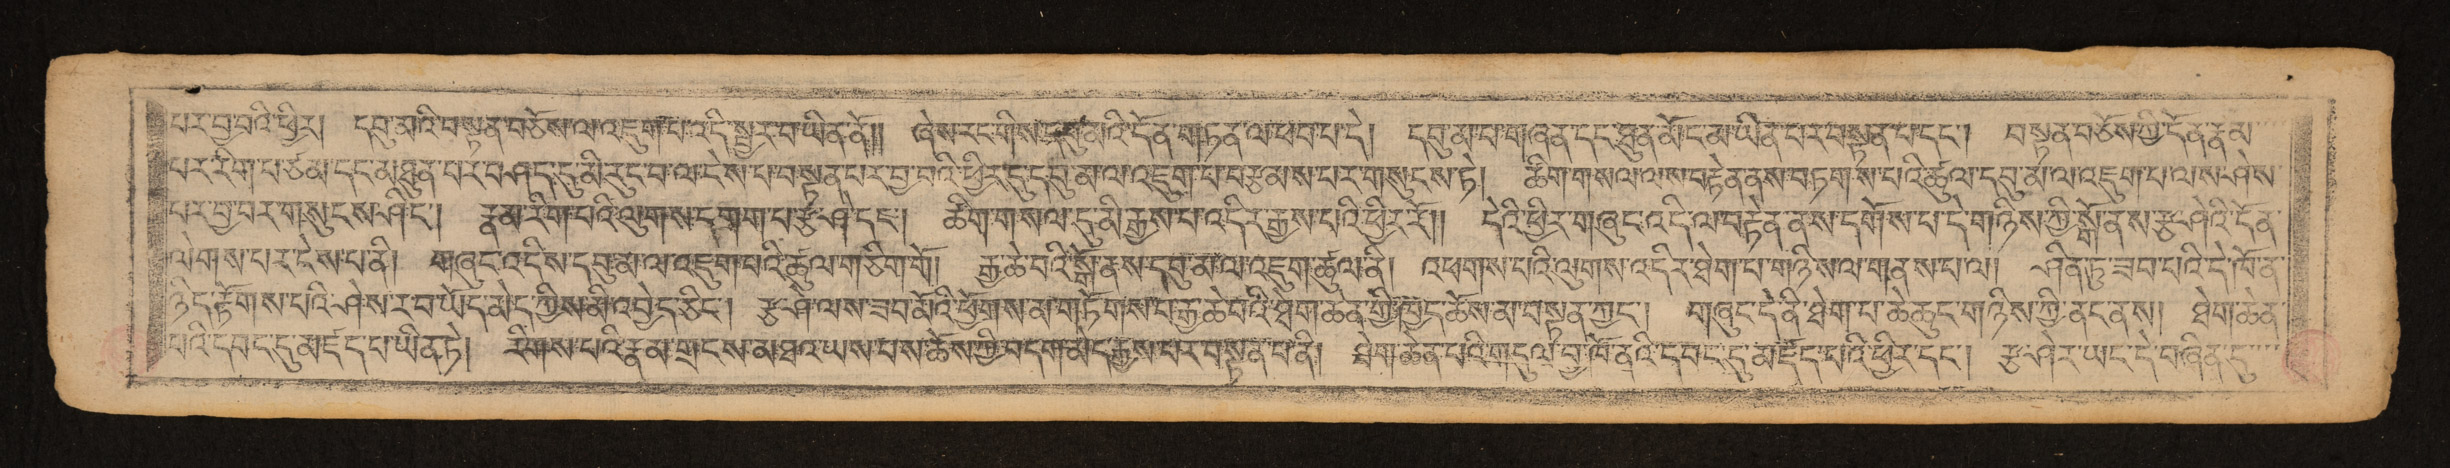པར་བྱ་བའི་ཕྱིར། དབུ་མའི་བསྟན་བཅོས་ལ་འཇུག་པ་སྦྱར་བ་ཡིན་ནོ།། ཞེས་རང་གིས་དབུ་མའི་དོན་གཏན་ལ་ཕབ་པ་དེ། དབུ་མ་པ་གཞན་དང་ཐུན་མོང་མ་ཡིན་པར་བསྟན་པ་དང་། བསྟན་བཅོས་ཀྱི་དོན་
རྣམ་པར་རིག་པ་ཙམ་དང་མཐུན་པར་བཤད་དུ་མི་རུང་བ་ལ་ངེས་པ་བསྟན་པར་བྱ་བའི་ཕྱིར་དུ་དབུ་མ་ལ་འཇུག་པ་བརྩམས་པར་གསུངས་ཏེ། ཚིག་གསལ་ལས་བརྟེན་ནས་བཏགས་པའི་ཚུལ་དབུ་མ་ལ་འཇུག་པ་ལས་ཤེས་
པར་བྱ་བར་གསུངས་ཤིང་། རྣམ་རིག་པའི་ལུགས་དགག་པ་རྩ་ཤེ་དང་། ཚིག་གསལ་དུ་མི་རྒྱས་པ་འདིར་རྒྱས་པའི་ཕྱིར་རོ།། དེའི་ཕྱིར་གཞུང་འདི་ལ་བརྟེན་ནས་དགོས་པ་དེ་གཉིས་ཀྱི་སྒོ་ནས་རྩ་ཤེའི་དོན་
ལེགས་པར་ངེས་པ་ནི། གཞུང་འདིས་དབུ་མ་ལ་འཇུག་པའི་ཚུལ་གཅིག་གོ །རྒྱ་ཆེ་བའི་སྒོ་ནས་དབུ་མ་ལ་འཇུག་ཚུལ་ནི། འཕགས་པའི་ལུགས་འདིར་ཐེག་པ་གཉིས་ལ་གནས་པ་ལ། ཤིན་ཏུ་ཟབ་པའི་དེ་ཁོ་ན་
ཉིད་རྟོགས་པའི་ཤེས་རབ་ཡོད་མེད་ཀྱིས་མི་འབྱེད་ཅིང་། རྩ་ཤེ་ལས་ཟབ་མོའི་ཕྱོགས་མ་གཏོགས་པ་རྒྱ་ཆེ་བའི་ཐེག་ཆེན་གྱི་ཁྱད་ཆོས་མ་བསྟན་ཀྱང་། གཞུང་འདི་ནི་ཐེག་པ་ཆེ་ཆུང་གཉིས་ཀྱི་ནང་ནས། ཐེག་ཆེན་
པའི་དབང་དུ་མཛད་པ་ཡིན་ཏེ། རིགས་པའི་རྣམ་གྲངས་མཐའ་ཡས་པས་ཆོས་ཀྱི་བདག་མེད་རྒྱས་པར་བསྟན་པ་ནི། ཐེག་ཆེན་པའི་གདུལ་བྱ་ཁོ་ནའི་དབང་དུ་མཛད་པའི་ཕྱིར་དང་། རྩ་ཤེར་ཡང་དེ་བཞིན་དུ་